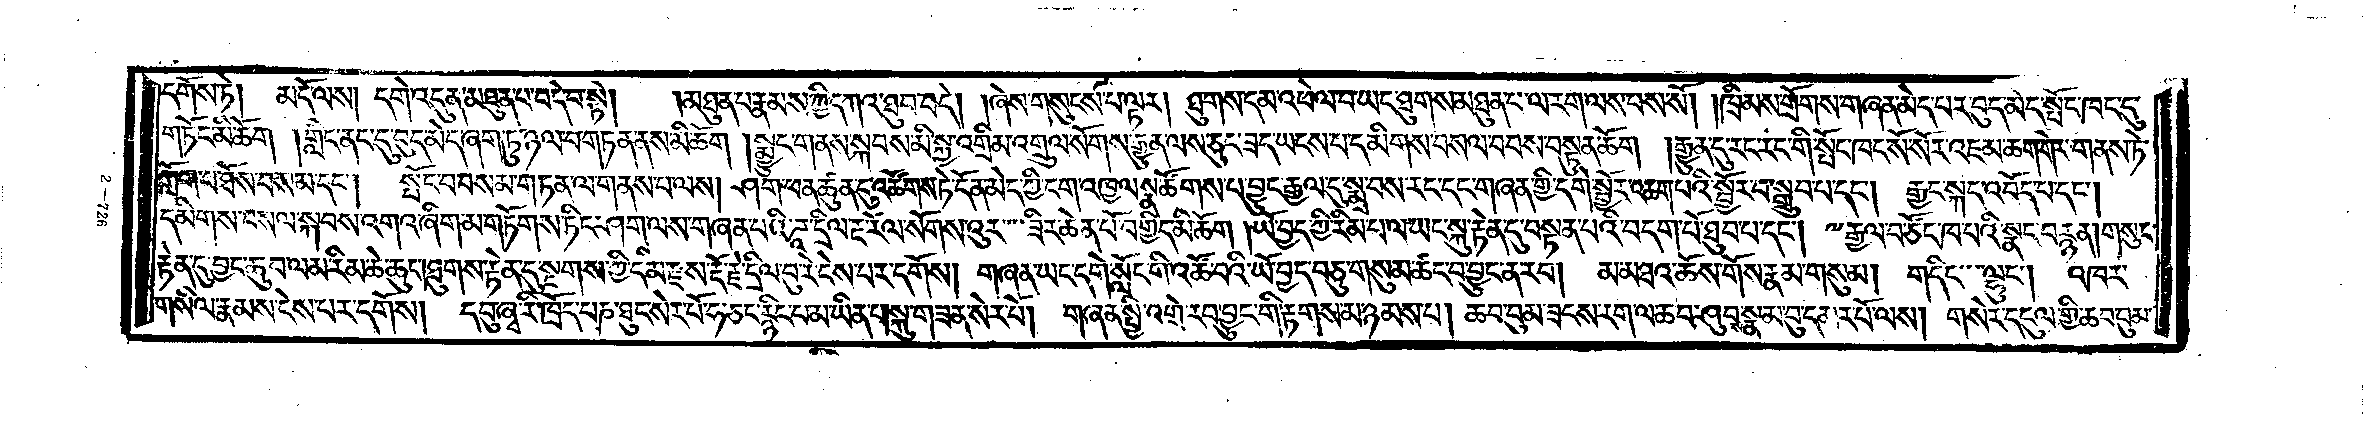དགོས་ཏེ། མདོ་ལས། དགེ་འདུན་མཐུན་པ་བདེ་བ་སྟེ། །མཐུན་པ་རྣམས་ཀྱི་དཀའ་ཐུབ་བདེ། །ཞེས་གསུངས་པ་ལྟར། ཐུགས་དམ་འཕེལ་བ་ཡང་ཐུགས་མཐུན་པ་ལ་རག་ལས་བས་སོ། །ཁྲིམས་གྲོགས་གཞན་མེད་པར་བུད་མེད་སྤོང་ཁང་དུ་
གཏོང་མི་ཆོག །གླིང་ནང་དུ་བུད་མེད་ཞག་ཏུ་ཉལ་བ་གཏན་ནས་མི་ཆོག །སྨྱུང་གནས་སྐབས་མི་སྐྱ་འགྲིམ་འགྲུལ་སོགས་རྒྱུན་ལས་ཅུང་ཟད་ཡངས་པ་དམིགས་བསལ་བབས་བསྟུན་ཆོག །རྒྱུན་དུ་རང་རང་གི་སྤོང་ཁང་སོ་སོར་འཇམ་ཆག་གེར་གནས་ཏེ་
ཀློག་པ་ཐོས་བསམ་དང་། སྤོང་བབས་མ་གཏན་ལ་གནས་པ་ལས། ཤག་ཕན་ཚུན་དུ་འཚོགས་ཏེ་དོན་མེད་ཀྱི་ངག་འཁྱལ་སྣ་ཚོགས་པ་བྱུང་རྒྱལ་དུ་སྨྲ་བས་རང་དང་གཞན་གྱི་དགེ་སྦྱོར་འཆག་པའི་སྦྱོར་བ་སྒྲུབ་པ་དང་། རྒྱང་སྐད་འབོད་པ་དང་།
དམིགས་བསལ་སྐབས་འགའ་ཞིག་མ་གཏོགས་ཏིང་ཤག་ལས་གཞན་པའི་ཌཱ་དྲིལ་རྔ་རོལ་སོགས་འུར་ཟིར་ཆེན་པོ་བགྱིད་མི་ཆོག །ཡོ་བྱད་ཀྱི་རིམ་པ་ལ་ཡང་སྐུ་རྟེན་དུ་བསྟན་པའི་བདག་པོ་ཐུབ་པ་དང་། ༧རྒྱལ་བ་ཙོང་ཁ་པོའི་སྣང་བརྙན། གསུང་
རྟེན་དུ་བྱང་ཆུབ་ལམ་རིམ་ཆེ་ཆུང་། ཐུགས་རྟེན་དུ་སྔགས་ཀྱི་དམ་རྫས་རྡོ་རྗེ་དྲིལ་བུ་རེ་ངེས་པར་དགོས། གཞན་ཡང་དགེ་སློང་གི་འཚོ་བའི་ཡོ་བྱད་བཅུ་གསུམ་ཚང་བ་བྱུང་ན་རབ། མ་མཐའ་ཆོས་གོས་རྣམ་གསུམ། གདིང་ལྷུར། འཁར་
གསིལ་རྣམས་ངེས་པར་དགོས། དབུ་ཞྭ་རི་ཁྲོད་པཎ་ཐུང་སེར་པོ་ཧ་ཅང་རྙིང་པ་མ་ཡིན་པ་སྐུ་གཟན་སེར་པོ། གཞན་སྤྱི་འགྲེ་རབ་བྱུང་གི་རྟགས་མ་ཉམས་པ། ཆབ་བུམ་ཟངས་རག་ལ་ཆབ་ཤུབས་སྣམ་བུ་དམར་པོ་ལས། གསེར་དངུལ་གྱི་ཆབ་བུམ་